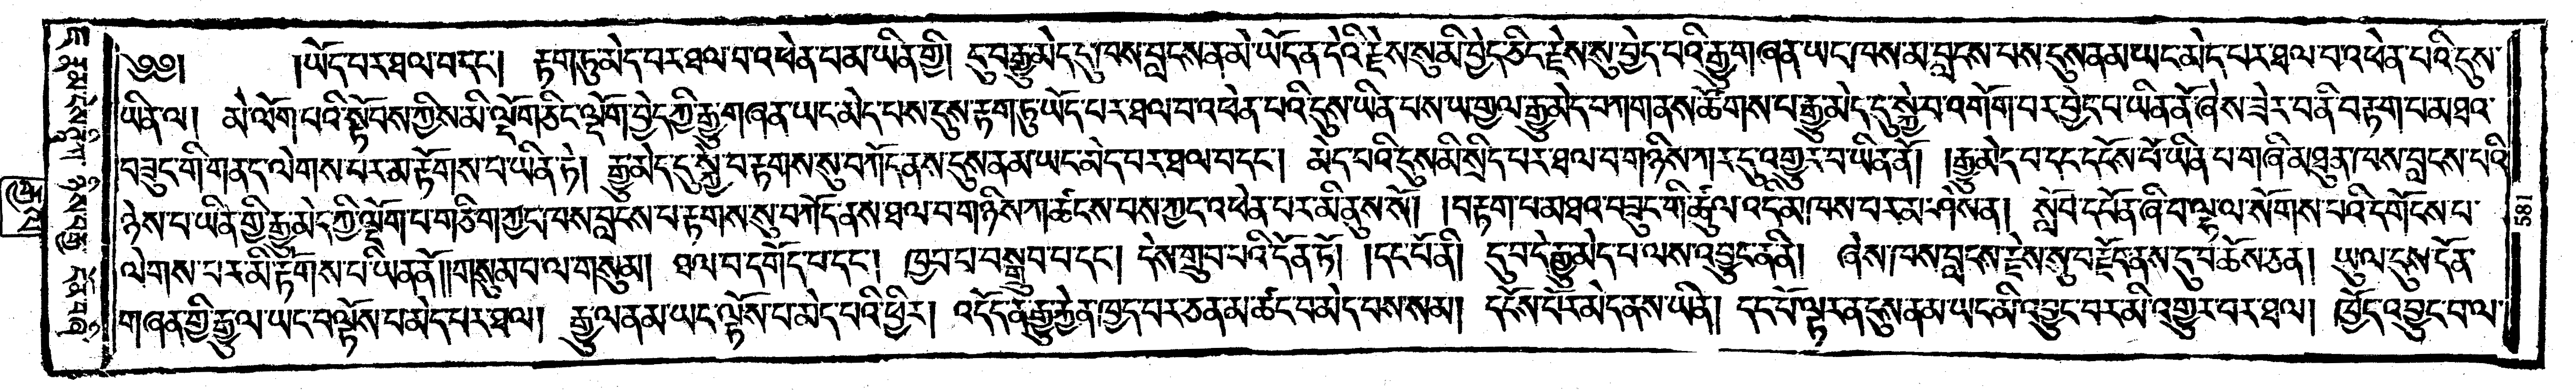༄༅། །ཡོད་པར་ཐལ་བ་དང་། རྟག་ཏུ་མེད་པར་ཐལ་བ་འཕེན་པ་མ་ཡིན་གྱི། དུ་བ་རྒྱུ་མེད་དུ་ཁས་བླངས་ན་མེ་ཡོད་ན་དེའི་རྗེས་སུ་མི་བྱེད་ཅིང་རྗེས་སུ་བྱེད་པའི་རྒྱུ་གཞན་ཡང་ཁས་མ་བླངས་པས་དུས་ནམ་ཡང་མེད་པར་ཐལ་བ་འཕེན་པའི་དུས་
ཡིན་ལ། མེ་ལོག་པའི་སྟོབས་ཀྱིས་མི་ལྡོག་ཅིང་ལྡོག་བྱེད་ཀྱི་རྒྱུ་གཞན་ཡང་མེད་པས་དུས་རྟག་ཏུ་ཡོད་པར་ཐལ་བ་འཕེན་པའི་དུས་ཡིན་པས་ཡ་གྱལ་རྒྱུ་མེད་བཀག་ནས་ཚོགས་པ་རྒྱུ་མེད་དུ་སྐྱེ་བ་འགོག་པར་བྱེད་པ་ཡིན་ནོ་ཞེས་ཟེར་བ་ནི་བརྟག་པ་མཐའ་
བཟུང་གི་གནད་ལེགས་པར་མ་རྟོགས་པ་ཡིན་ཏེ། རྒྱུ་མེད་དུ་སྐྱེ་བ་རྟགས་སུ་བཀོད་ནས་དུས་ནམ་ཡང་མེད་པར་ཐལ་བ་དང་། མེད་པའི་དུས་མི་སྲིད་པར་ཐལ་བ་གཉིས་ཀར་དུ་འགྱུར་བ་ཡིན་ནོ། །རྒྱུ་མེད་པ་དང་དངོས་པོ་ཡིན་པ་གཞི་མཐུན་ཁས་བླངས་པའི་
ཉེས་པ་ཡིན་གྱི་རྒྱུ་མེད་ཀྱི་ལྡོག་པ་གཅིག་ཀྱང་ཁས་བླངས་པ་རྟགས་སུ་བཀོད་ནས་ཐལ་བ་གཉིས་ཀ་ཚངས་པས་ཀྱང་འཕེན་པར་མི་ནུས་སོ། །བརྟག་པ་མཐའ་བཟུང་གི་ཚུལ་འདི་མཁས་པར་མ་ཤེས་ན། སློབ་དཔོན་ཞི་བ་ལྷ་ལ་སོགས་པའི་དགོངས་པ་
ལེགས་པར་མི་རྟོགས་པ་ཡིན་ནོ། །གསུམ་པ་ལ་གསུམ། ཐལ་བ་དགོད་པ་དང་། ཁྱབ་པ་བསྒྲུབ་པ་དང་། དེས་གྲུབ་པའི་དོན་ཏོ། །དང་པོ་ནི། དུ་བ་དེ་རྒྱུ་མེད་པ་ལས་འབྱུང་ན་ནི། ཞེས་ཁས་བླངས་རྗེས་སུ་བརྗོད་ནས་དུ་བ་ཆོས་ཅན། ཡུལ་དུས་དོན་
གཞན་གྱི་རྒྱུ་ལ་ཡང་བལྟོས་པ་མེད་པར་ཐལ། རྒྱུ་ལ་ནམ་ཡང་ལྟོས་པ་མེད་པའི་ཕྱིར། འདོད་ན་རྒྱུ་རྐྱེན་ཁྱད་པར་ཅན་མ་ཚང་བ་མེད་པས་སམ། དངོས་པོར་མེད་ནས་ཡིན། དང་པོ་ལྟར་ན་དུས་ནམ་ཡང་མི་འབྱུང་བར་མི་འགྱུར་བར་ཐལ། ཁྱོད་འབྱུང་བ་ལ་